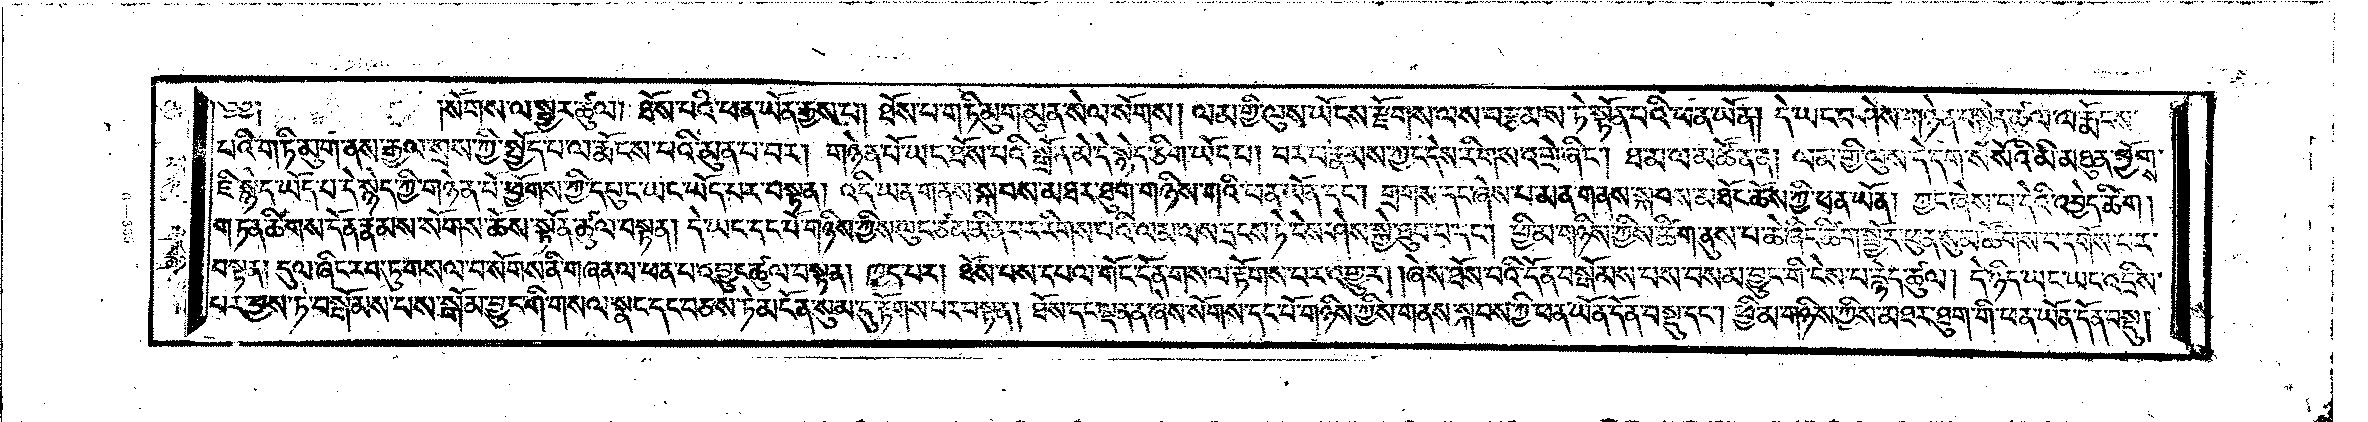༄༅། །སོགས་ལ་སྦྱར་ཚུལ། ཐོས་པའི་ཕན་ཡོན་རྒྱས་པ། ཐོས་པ་གཏི་མུག་མུན་སེལ་སོགས། ལམ་གྱི་ལུས་ཡོངས་རྫོགས་ལས་བརྩམས་ཏེ་སྟོན་པའི་ཕན་ཡོན། དེ་ཡང་བཤེས་གཉེན་བསྟེན་ཚུལ་ལ་རྨོངས་
པའི་གཏི་མུག་ནས་རྒྱལ་སྲས་ཀྱི་སྤྱོད་པ་ལ་རྨོངས་པའི་མུན་པ་བར། གཉེན་པོ་ཡང་ཐོས་པའི་སྒྲོན་མེ་དེ་སྙེད་ཅིག་ཡོད་པ། བར་པ་རྣམས་ཀྱང་ངེས་རིགས་འགྲེ་ཞིང་། ཐ་མ་ལ་མཚོན་ན༑ ལམ་གྱི་ལུས་དེ་དག་སོ་སོའི་མི་མཐུན་ཕྱོགས་
ཇི་སྙེད་ཡོད་པ་དེ་སྙེད་ཀྱི་གཉེན་པོ་ཕྱོགས་ཀྱི་དཔུང་ཡང་ཡོད་པར་བསྟན། འདི་ཡན་གནས་སྐབས་མཐར་ཐུག་གཉིས་གའི་ཕན་ཡོན་དང་། གྲགས་དང་ཞེས་པ་མན་གནས་སྐབས་མཐོང་ཆོས་ཀྱི་ཕན་ཡོན། ཀྱང་ཞེས་པ་དེའི་འབྱེད་ཚིག།
གཏན་ཚིགས་དོན་རྣམས་སོགས་ཆོས་སྟོན་ཚུལ་བསྟན། དེ་ཡང་དང་པོ་གཉིས་ཀྱིས་ལུང་ཙམ་མིན་པར་རིགས་པའི་ལམ་ལས་དྲངས་ཏེ་ངེས་ཤེས་སྐྱེ་ཐུབ་པ་དང་། ཕྱི་མ་གཉིས་ཀྱིས་ཚིག་ནུས་པ་ཆེ་ཞིང་ཚིག་སྦྱོར་ཕུན་སུམ་ཚོགས་བ་དགོས་པར་
བསྟན། དུལ་ཞིང་རབ་ཏུ་གསལ་བ་སོགས་ནི་གཞན་ལ་ཕན་པ་འབྱུང་ཚུལ་བསྟན། ཁྱད་པར། ཐོས་པས་དཔལ་གོང་དོན་གསལ་རྟོགས་པར་འགྱུར། །ཞེས་ཐོས་པའི་དོན་བསྒོམས་པས་བསམ་བྱུང་གི་ངེས་པ་རྙེད་ཚུལ། དེ་ཉིད་ཡང་ཡང་འདྲིས་
པར་བྱས་ཏེ་བསྒོམས་པས་སྒོམ་བྱུང་གི་གསལ་སྣང་དང་བཅས་ཏེ་མངོན་སུམ་དུ་རྟོགས་པར་བསྟན། ཐོས་དང་ལྡན་ན་ཞེས་སོགས་དང་པོ་གཉིས་ཀྱིས་གནས་སྐབས་ཀྱི་ཕན་ཡོན་དོན་བསྡུ་དང་། ཕྱི་མ་གཉིས་ཀྱིས་མཐར་ཐུག་གི་ཕན་ཡོན་དོན་བསྡུ།